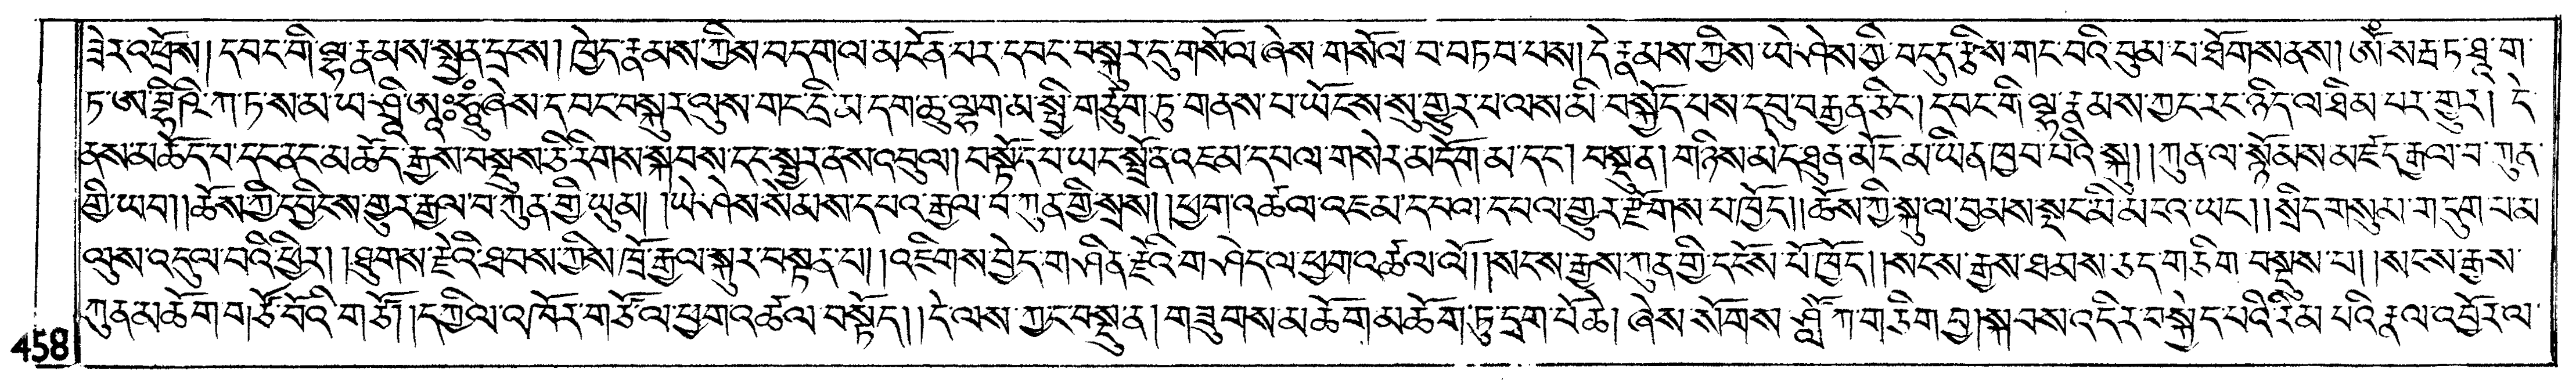ཟེར་འཕྲོས། དབང་གི་ལྷ་རྣམས་སྤྱན་དྲངས། ཁྱེད་རྣམས་ཀྱིས་བདག་ལ་མངོན་པར་དབང་བསྐུར་དུ་གསོལ་ཞེས་གསོལ་བ་བཏབ་པས། དེ་རྣམས་ཀྱིས་ཡེ་ཤེས་ཀྱི་བདུད་རྩིས་གང་བའི་བུམ་པ་ཐོགས་ནས། ཨོཾ་སརྦ་ཏ་ཐཱ་ག་
ཏ་ཨ་བྷིཥི་ཀ་ཏ་ས་མ་ཡ་ཤྲཱི་ཨཱཿ ཧཱུཾ་ཞེས་དབང་བསྐུར་ལུས་གང་དྲི་མ་དག་ཆུ་ལྷག་མ་སྤྱི་གཙུག་ཏུ་གནས་པ་ཡོངས་སུ་གྱུར་པ་ལས་མི་བསྐྱོད་པས་དབུ་བརྒྱན་ཅིང་། དབང་གི་ལྷ་རྣམས་ཀྱང་རང་ཉིད་ལ་ཐིམ་པར་གྱུར། དེ་
ནས་མཆོད་པ་དང་ནང་མཆོད་རྒྱས་བསྡུས་ཅི་རིགས་སྐབས་དང་སྦྱར་ནས་འབུལ། བསྟོད་པ་ཡང་སྤྲོན་འཇམ་དཔལ་གསེར་མདོག་མ་དང་། བསྡུ་ན། གཉིས་མེད་ཐུན་མོང་མ་ཡིན་ཁྱབ་པའི་སྐུ། །ཀུན་ལ་སྙོམས་མཛད་རྒྱལ་བ་ཀུན་
གྱི་ཡབ། །ཆོས་ཀྱི་དབྱིངས་གྱུར་རྒྱལ་བ་ཀུན་གྱི་ཡུམ། །ཡེ་ཤེས་སེམས་དཔའ་རྒྱལ་བ་ཀུན་གྱི་སྲས། །ཕྱག་འཚལ་འཇམ་དཔལ་དཔལ་གྱུར་རྫོགས་པ་ཁྱོད། །ཆོས་ཀྱི་སྐུ་ལ་བྱམས་སྡང་མི་མངའ་ཡང་། །སྲིད་གསུམ་གདུག་པ་མ་
ལུས་འདུལ་བའི་ཕྱིར། །ཐུགས་རྗེའི་ཐབས་ཀྱིས་ཁྲོ་རྒྱལ་སྐུར་བསྟན་པ། །འཇིགས་བྱེད་གཤིན་རྗེའི་གཤེད་ལ་ཕྱག་འཚལ་ལོ། །སངས་རྒྱས་ཀུན་གྱི་དངོས་པོ་ཁྱོད། །སངས་རྒྱས་ཐམས་ཅད་གཅིག་བསྡུས་པ། །སངས་རྒྱས་
ཀུན་མཆོག་གཙོ་བོའི་གཙོ། །དཀྱིལ་འཁོར་གཙོ་ལ་ཕྱག་འཚལ་བསྟོད། །དེ་ལས་ཀྱང་བསྡུ་ན། གཟུགས་མཆོག་མཆོག་ཏུ་དྲག་པོ་ཆེ། ཞེས་སོགས་ཤླཽ་ཀ་གཅིག་བྱ། སྐབས་འདིར་བསྐྱེད་པའི་རིམ་པའི་རྣལ་འབྱོར་ལ་